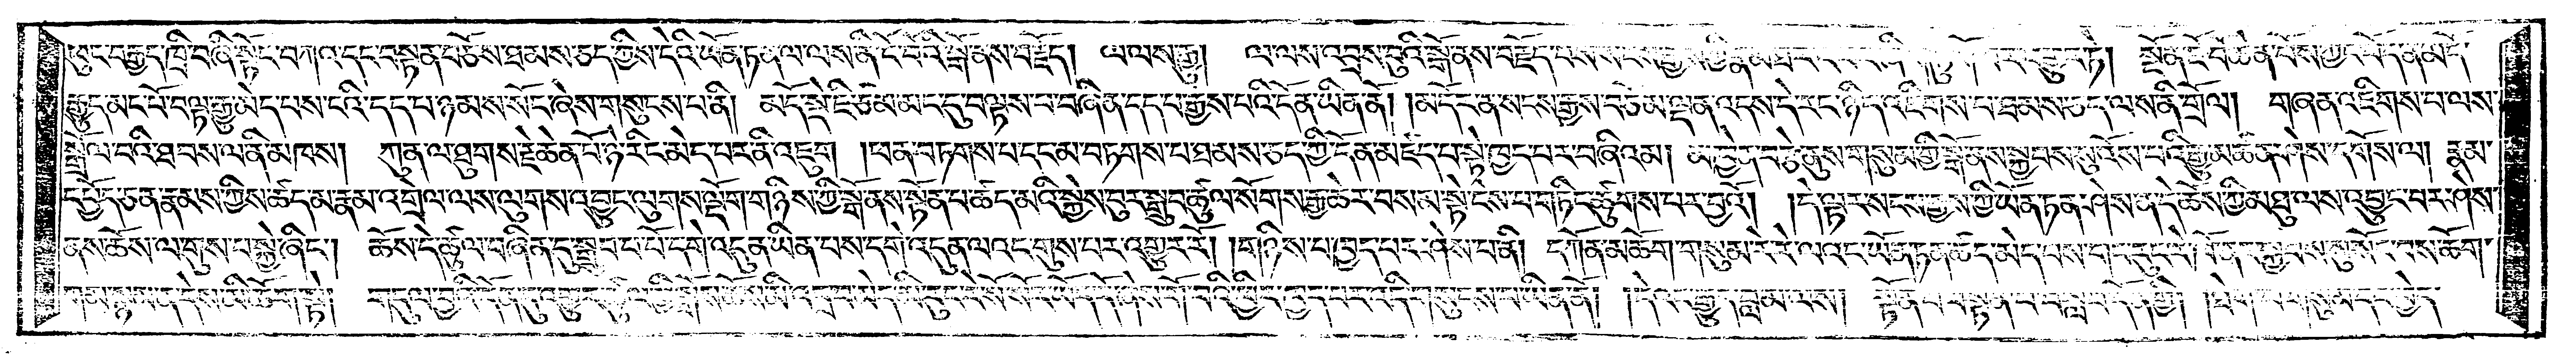ཕུང་བརྒྱད་ཁྲི་བཞི་སྟོང་བཀའ་དང་བསྟན་བཅོས་ཐམས་ཅད་ཀྱིས་དེའི་ཡོན་ཏན་ལས་ནི་ངོ་བོའི་སྒོ་ནས་བརྗོད། ལ་ལས་རྒྱུ། ལ་ལས་འབྲས་བུའི་སྒོ་ནས་བརྗོད་པས་སངས་རྒྱས་ཀྱི་རྣམ་ཐར་འབའ་ཞིག་ཏུ་གོ་བར་འགྱུར་ཏེ། སྔོན་ཇོ་བོ་ཆེན་པོས་ཀྱང་བོད་ན་མེད་
རྒྱུད་མང་པོ་བལྟ་རྒྱུ་མེད་པས་པའི་དད་པ་ཉམས་སོང་ཞེས་གསུངས་པ་ནི། མདོ་སྡེ་ཇི་ཙམ་མང་དུ་བལྟས་པ་བཞིན་དད་པ་རྒྱས་པའི་དོན་ཡིན་ནོ། །མདོར་ན་སངས་རྒྱས་བཅོམ་ལྡན་འདས་དེ་རང་ཉིད་འཇིགས་པ་ཐམས་ཅད་ལས་ནི་གྲོལ། གཞན་འཇིགས་པ་ལས་
སྒྲོལ་བའི་ཐབས་ལ་ནི་མཁས། ཀུན་ལ་ཐུགས་རྗེ་ཆེན་པོ་ཉེ་རིང་མེད་པར་ནི་འཇུག །ཕན་བཏགས་པ་དང་མ་བཏགས་པ་ཐམས་ཅད་ཀྱི་དོན་མཛད་པ་སྟེ་ཁྱད་པར་བཞིའམ། མཁྱེན་བརྩེ་ནུས་གསུམ་གྱི་སྒོ་ནས་སྐྱབས་སུ་འོས་པའི་རྒྱུ་མཚན་ཤེས་དགོས་ལ། རྣམ་
དཔྱོད་ཅན་རྣམས་ཀྱིས་ཚད་མ་རྣམ་འགྲེལ་ལས་ལུགས་འབྱུང་ལུགས་ལྡོག་གཉིས་ཀྱི་སྒོ་ནས་སྟོན་པ་ཚད་མའི་སྐྱེས་བུར་སྒྲུབ་ཚུལ་སོགས་རྒྱ་ཆེར་བསམ་སྟེ་ངེས་པ་གཏིང་ཚུགས་པར་བྱའོ། །དེ་ལྟར་སངས་རྒྱས་ཀྱི་ཡོན་ཏན་ཤེས་ན་དེ་ཆོས་ཀྱི་མཐུ་ལས་འབྱུང་པར་ཤེས་
ནས་ཆོས་ལ་གུས་པ་སྐྱེ་ཞིང་། ཆོས་དེ་ཚུལ་བཞིན་དུ་སྒྲུབ་པ་པོ་དགེ་འདུན་ཡིན་པས་དགེ་འདུན་ལའང་གུས་པར་འགྱུར་རོ། །གཉིས་པ་ཁྱད་པར་ཤེས་པ་ནི། དཀོན་མཆོག་གསུམ་རེ་རེ་ལའང་ཡོན་ཏན་ཚད་མེད་པས་གང་རུང་རེ་ཁོ་ནར་སྐྱབས་སུ་སོང་བས་ཆོག་
གམ་སྙམ་ན་དེས་མི་ཆོག་སྟེ། གདུལ་བྱའི་དོན་དུ་འགྱུར་ཚུལ་གྱི་སོགས་ཆོས་མི་འདྲ་བ་མེད་མི་རུང་རེ་སོ་སོར་ཡོད་དོ་ཞེས་གོ་བའི་ཕྱིར་ཁྱད་པར་འདི་གསུངས་པ་ཡིན་ནོ། །དེའང་རྒྱུད་བླ་མ་ལས། སྟོན་པ་བསྟན་པ་བསླབ་དོན་གྱི། །ཐེག་པ་གསུམ་དང་བྱེད་